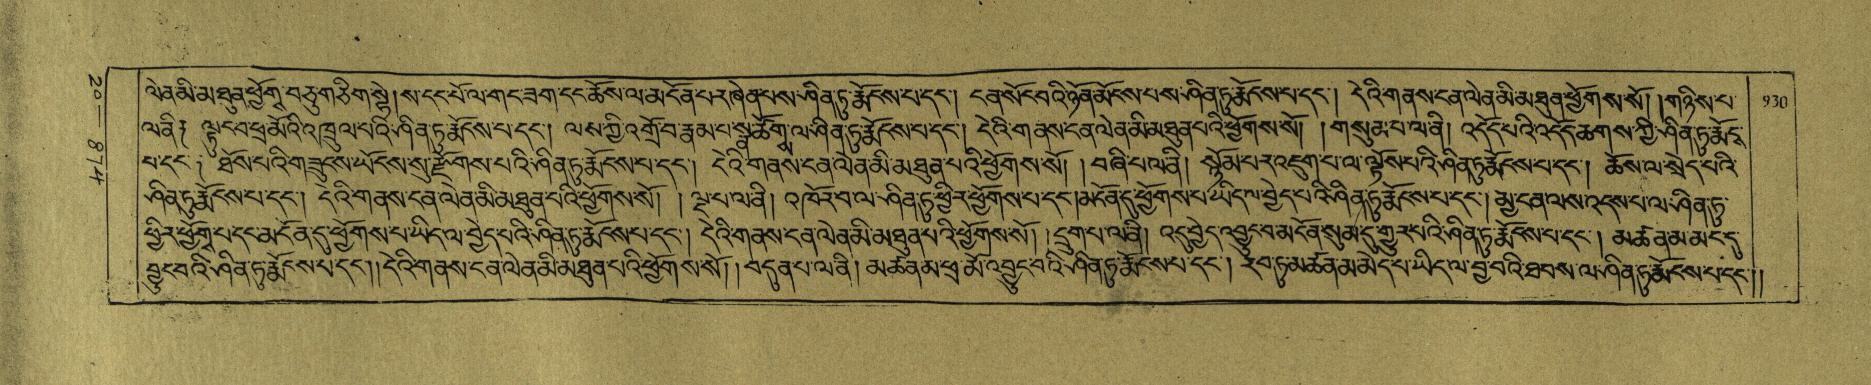ལེན་མི་མཐུན་ཕྱོགས་བཅུ་གཅིག་སྟེ། ས་དང་པོ་ལ་གང་ཟག་དང་ཆོས་ལ་མངོན་པར་ཞེན་པས་ཤིན་ཏུ་རྨོངས་པ་དང་། ངན་སོང་བའི་ཉོན་མོངས་པས་ཤིན་ཏུ་རྨོངས་པ་དང་། དེའི་གནས་ངན་ལེན་མི་མཐུན་ཕྱོགས་སོ། །གཉིས་པ་
ལ་ནི༑ ལྟུང་བ་ཕྲ་མོའི་འཁྲུལ་པའི་ཤིན་ཏུ་རྨོངས་པ་དང་། ལས་ཀྱི་འགྲོ་བ་རྣམ་པ་སྣ་ཚོགས་ལ་ཤིན་ཏུ་རྨོངས་པ་དང་། དེའི་གནས་ངན་ལེན་མི་མཐུན་པའི་ཕྱོགས་སོ། །གསུམ་པ་ལ་ནི། འདོད་པའི་འདོད་ཆགས་ཀྱི་ཤིན་ཏུ་རྨོངས་
པ་དང༑ ཐོས་པའི་གཟུངས་ཡོངས་སུ་རྫོགས་པའི་ཤིན་ཏུ་རྨོངས་པ་དང་། དེའི་གནས་ངན་ལེན་མི་མཐུན་པའི་ཕྱོགས་སོ། །བཞི་པ་ལ་ནི། སྙོམ་པར་འཇུག་པ་ལ་ལྟོས་པའི་ཤིན་ཏུ་རྨོངས་པ་དང་། ཆོས་ལ་སྲེད་པའི་
ཤིན་ཏུ་རྨོངས་པ་དང་། དེའི་གནས་ངན་ལེན་མི་མཐུན་པའི་ཕྱོགས་སོ། །ལྔ་པ་ལ་ནི། འཁོར་བ་ལ་ཤིན་ཏུ་ཕྱིར་ཕྱོགས་པ་དང་། མངོན་དུ་ཕྱོགས་པ་ཡིད་ལ་བྱེད་པའི་ཤིན་ཏུ་རྨོངས་པ་དང་། མྱ་ངན་ལས་འདས་པ་ལ་ཤིན་ཏུ་
ཕྱིར་ཕྱོགས་པ་དང་མངོན་དུ་ཕྱོགས་པ་ཡིད་ལ་བྱེད་པའི་ཤིན་ཏུ་རྨོངས་པ་དང་། དེའི་གནས་ངན་ལེན་མི་མཐུན་པའི་ཕྱོགས་སོ། །དྲུག་པ་ལ་ནི། འདུ་བྱེད་འབྱུང་བ་མངོན་སུམ་དུ་གྱུར་པའི་ཤིན་ཏུ་རྨོངས་པ་དང་། མཚན་མ་མང་དུ་
བྱུང་བའི་ཤིན་ཏུ་རྨོངས་པ་དང་། །དེའི་གནས་ངན་ལེན་མི་མཐུན་པའི་ཕྱོགས་སོ། །བདུན་པ་ལ་ནི། མཚན་མ་ཕྲ་མོ་འབྱུང་བའི་ཤིན་ཏུ་རྨོངས་པ་དང་། རབ་ཏུ་མཚན་མ་མེད་པ་ཡིད་ལ་བྱ་བའི་ཐབས་ལ་ཤིན་ཏུ་རྨོངས་པ་དང་། །